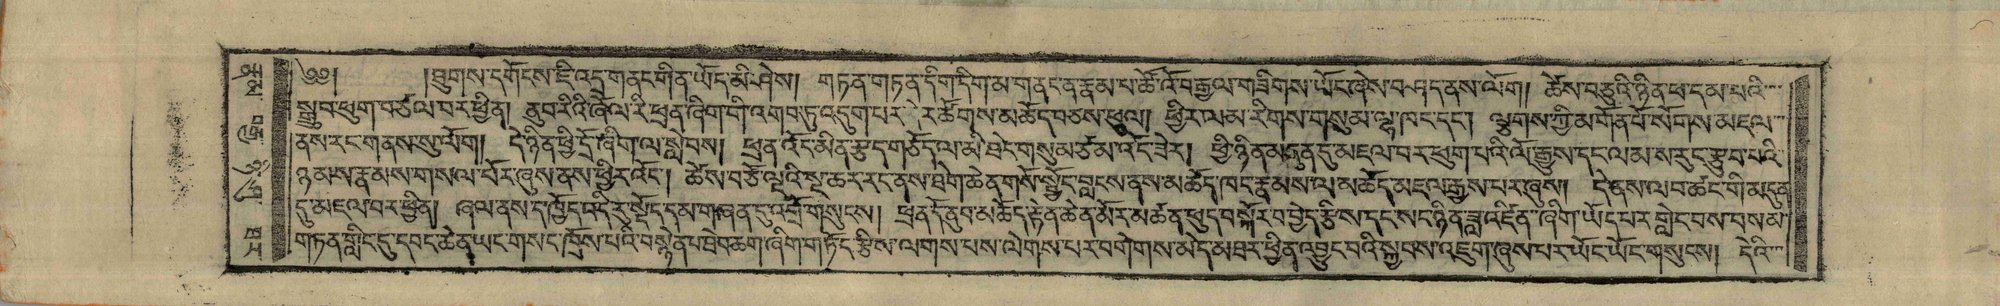༄༅། །ཐུགས་དགོངས་ཇི་འདྲ་གནང་གིན་ཡོད་མི་ཤེས། གཏན་གཏན་དིག་དིག་མ་གནང་ན་རྣམ་པ་ཚོ་འོ་བརྒྱལ་གཟིགས་ཡོང་ཞེས་བཤད་ནས་ལོག །?  ཆོས་བཅུའི་ཉིན་ཕ་དམ་པའི་
སྒྲུབ་ཕུག་བཙལ་བར་ཕྱིན། ནུབ་རིའི་ཞོལ་རི་ཕྲན་ཞིག་གི་འགབ་ཏུ་འདུག་པར་དེར་ཚོགས་མཆོད་བཅས་ཕུལ། ཕྱིར་ལམ་རིགས་གསུམ་ལྷ་ཁང་དང་། ལྕགས་ཀྱི་མགོན་པོ་སོགས་མཇལ་
ནས་རང་གནས་སུ་ལོག །དེ་ཉིན་ཕྱི་དྲོ་ཞིག་ལ་སླེབས། ཕྲན་འོང་མིན་རྩད་གཅོད་ལ་མི་ཐེང་གསུམ་ཙམ་འོང་ཟེར། ཕྱི་ཉིན་མདུན་དུ་མཇལ་བར་ཕུག་པའི་ལོ་རྒྱུས་དང་ལམ་ས་རུང་རྩུབ་པའི་
ཉམས་རྣམས་གསལ་པོར་ཞུས་ནས་ཕྱིར་འོང་། ཚེས་བཅོ་ལྔའི་སྔ་ཆར་རང་ནས་ཐེག་ཆེན་གསོ་སྦྱོང་བླངས་ནས་མཆོད་ཁང་རྣམས་ལ་མཆོད་མཇལ་རྒྱས་པར་ཞུས། དེ་ནས་ལབ་ཚང་གི་མདུན་
དུ་མཇལ་བར་ཕྱིན། ཞལ་ནས་ད་ཁྱོད་འདི་རུ་སྡོད་དམ་གཞན་དུ་འགྲོ་གསུངས། ཕྲན་དོ་ནུབ་མཆོད་རྟེན་ཆེན་མོར་མཚན་ཕུད་བསྐོར་བ་བྱེད་རྩིས་དང་སང་ཉིན་ཟླ་འཛིན་ཞིག་ཡོད་པར་གླེང་བས་བསམ་
གཏན་གླིང་དུ་དབང་ཆེན་ཡང་གསང་ཁྲོས་པའི་བསྙེན་པ་ཐེབ་ཆག་ཞིག་གཏོང་རྩིས་ལགས་པས་ལེགས་པར་བགེགས་མེད་མཐར་ཕྱིན་འབྱུང་བའི་སྐྱབས་འཇུག་ཞུས་པར་ཡོང་ཡོང་གསུངས། དེའི་